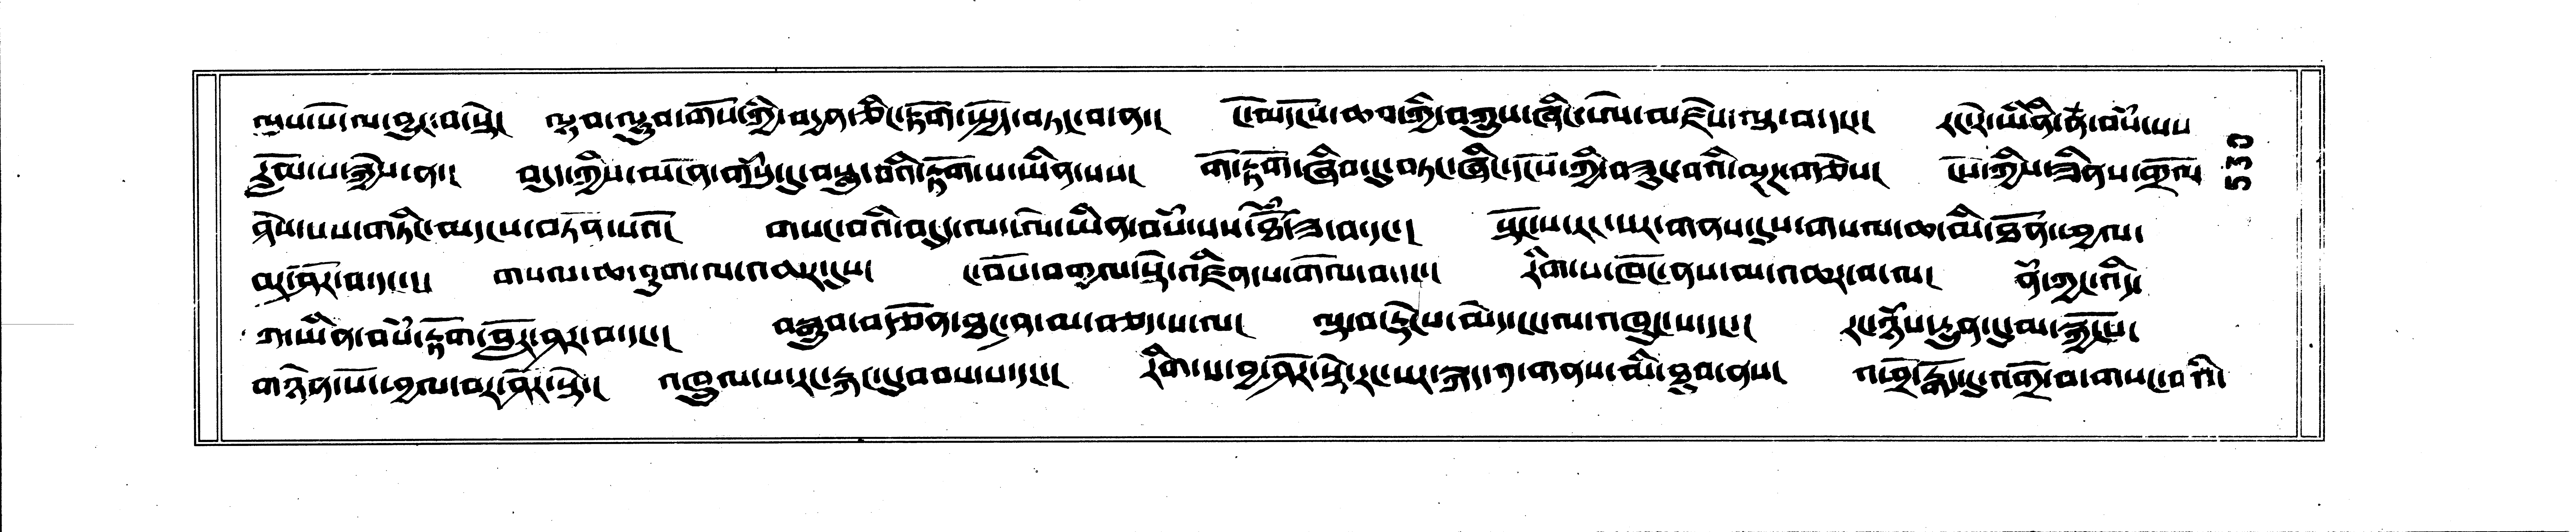ལུས་ལ་འབྱུང་སྟེ། ལྷབ་ལྷུབ་གོས་ཀྱིས་བརྒྱན་ཅིང་རྟག་སྤྱོད་༼རྟོག་དཔྱོད༽་བཏང་བ་དང་། ངོ་མདངས་ཆབ་ཀྱིས་བཀྲུ་ཞིང་ཨེ་མཛེས་ལྟ་བ་དང་། རང་རེ་ཡིན་སིན་བསམ་
བརླབ་སེམས་སྐྱེས་ནས། བདུད་ཀྱི་མངོན་གསུམ་དུ་བསླུ་བའི་རྟག་ཡིན་པས། གོ་རྟོག་ཞིབ་དུ་བཏང་ཞིང་ངོས་ཀྱི་བཟུང་བའི་མེན་ངག་ཅེས། ངོས་ཀྱི་ཟིན་ནས་གྲོལ་
དགོས་པས། གཏིང་མདངས་བཏོན་པའོ། གསང་བའི་བདུད་ལ་ཨེ་ཡིན་མི་ཡིན་པའི་ཐེ་ཚོམ་ཟ་བ་དང་། སྟོང་པ་རང་སར་གནས་དུས་གསལ་ཆ་མི་ཐོན་ཕྱལ་
བར་ཤོར་བ་དང་། གསལ་བ་ཤུགས་ལ་བྱུང་དུས། ང་བོས་བརྒྱལ་སྟེ་འཛིན་པར་གོལ་བ་དང་། རིག་པ་ཁོང་ནས་འཆར་བ་ལ། ནམ་ཀྱང་༼ཡང་༽འདི་
ཀ་ཡིན་བསམ་ནས་རྟོག་བློ་ཤར་བ་དང་། བསྒྲུབ་བརྩོན་ཐང་ཤ་མ་བཅད་པ་ལ། ལྟ་བའི་ལྡིང་༼གདེང་༽མེད་རང་ལ་འཆང་བ་དང་། རང་ལ་ཉམས་མྱོང་རྒྱུན་དུ་མ་བསྐྱལ་ནས། 
གཉེན་པོ་ཕྱལ་བར་ཤོར་ཏེ། འཁྲུལ་པ་རང་ཁར་སྐད་དུ་བབ་པ་དང་། རིག་པ་བྱ་ཤོར་རང་སར་སྐད་ཅིག་གནས་མི་ཐུབ་ན། འཕྲོ་རྒོད་འགྲོ་བ་གསང་བའི་བདུད་